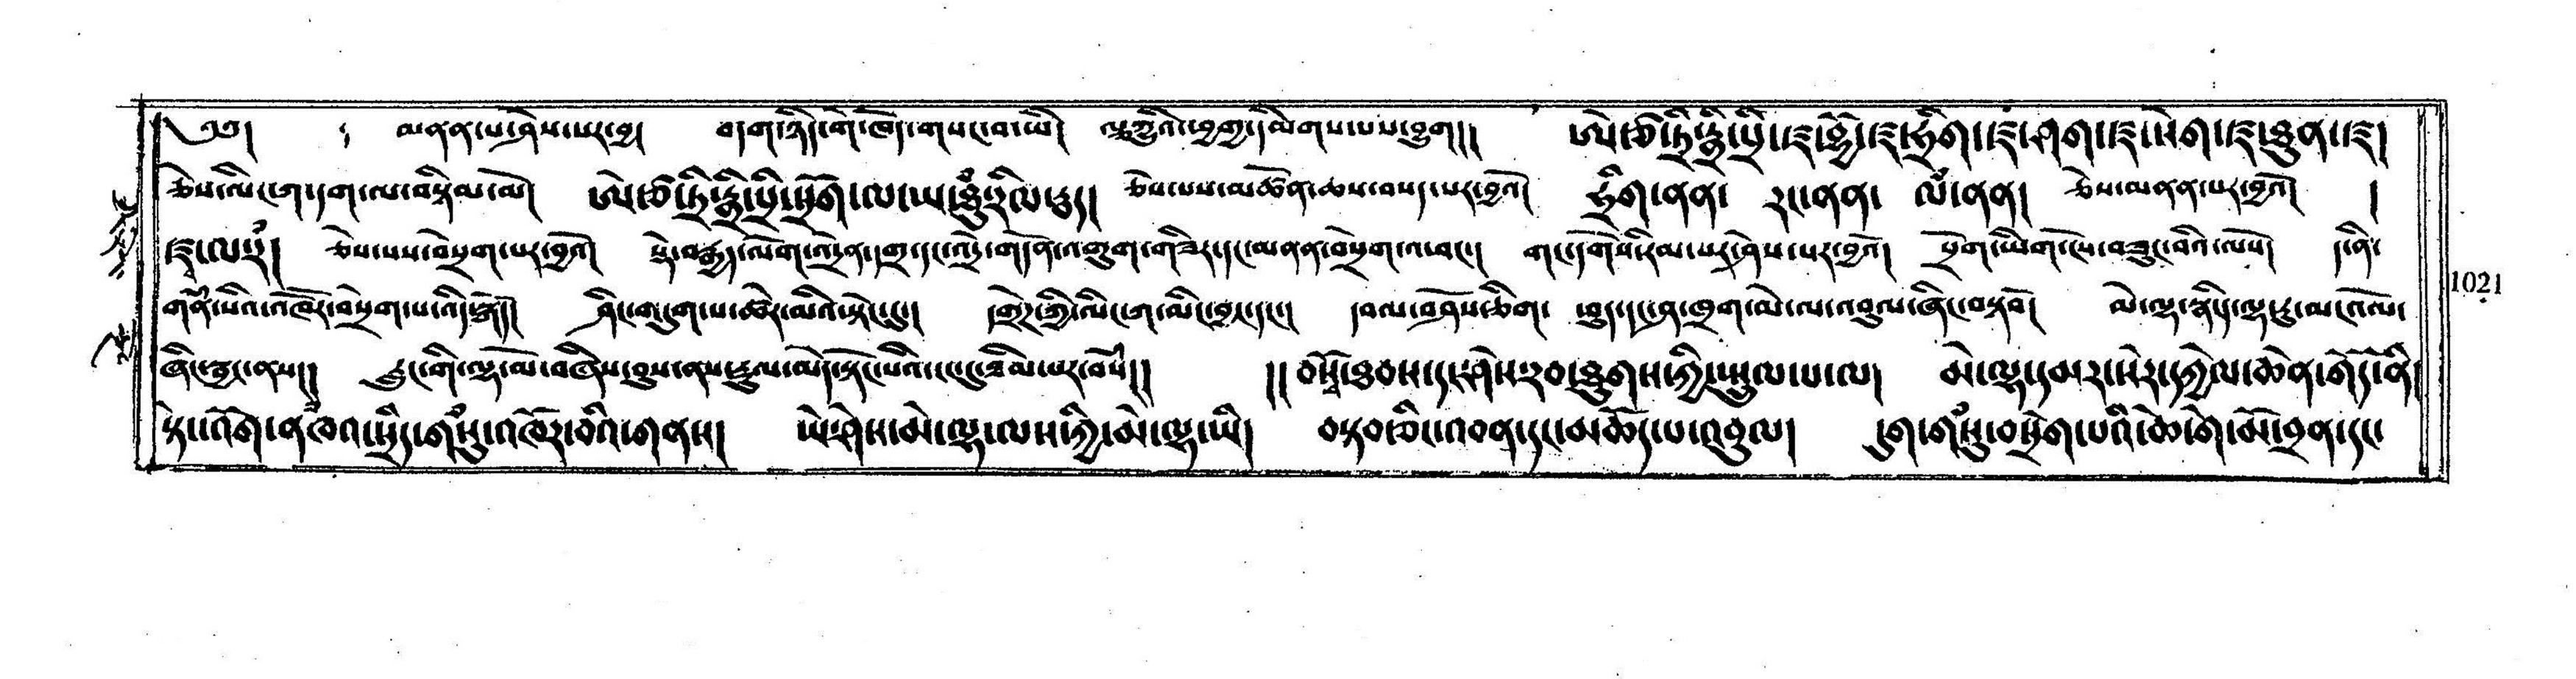མནན་པ་ཤེས་པར་བྱ། བདག་ཉིད་གེ་ཁོད་གསང་བ་ཡི། ལྕག་ཀྱུའི་ཕྱག་རྒྱ་དམིགས་པས་བྱུག།། ཨེ་ཙ་ཏྲི་རྣྲི་པྲི་ཛ་བྷྱོ་ཛ་ཧྲིག་ཛ་ཤག་ཛ་སེག་ཛ་ཐུན་ཛ། 
ཅེས་ལིང་ཀ་དག་ལ་བསྟིམ་མོ། ཨེ་ཙ་ཏྲི་རྣྲི་པྲི་སྲོག་ལ་ཡ་ཐུཾ་རིལ་རྦད། ཅེས་པས་མཚོན་ཆས་བསད་པར་བྱའོ། ཧྲིག་ནན་རང་ནན་ལཾ་ནན། ཅེས་མནན་པར་བྱའོ། 
ཛྭ་ལ་རཾ། ཅེས་པས་བསྲེག་པར་བྱའོ། སྡེ་བརྒྱད་ལོག་འདྲེན་དགྲ་དང་འདྲེ་གདོན་འགུག་གཟིར་དང་མནན་བསྲེག་འཕང་། གང་དགོས་རིམ་པར་ཤེས་པར་བྱའོ། སྲོག་ཡིག་ངོས་བཟུང་བའི་ལས་སོ། ད་ནི་
གནམ་སའི་འཁོར་ལོ་བསྲེག་པ་འདི་སྐད་དོ། ཤིང་གདུག་པ་ཚེར་མའི་སྟེང་དུ། དགྲ་བགེགས་ཀྱི་ལིང་ཀ་མིང་བྱང་དང་། དབལ་བཤོས་ཅིག་ཕུད་དང་ཤ་ཁྲག་མེ་ལ་འབུལ་ཞིང་བསྟབ་བོ། མེ་ལྷ་སྣང་སྲིད་ལྷ་རུ་མངའ་གསོལ་
ཞིང་སྦྱང་ནས།། རླུང་གི་ལྷ་མོ་བཞིས་བུས་ནས་རྡུལ་མེད་སྟོང་པའི་ངང་དུ་ཐིམ་པར་བསམ།། །།བསྭོ་ཐབས་དང་ཤེས་རབ་ཐུགས་ཀྱི་སྤྲུལ་པ་ལ། མེ་ལྷ་དམར་སེར་དཀྱེལ་ཆེན་གེ་ཁོད་ནི། 
སྟེང་འོག་ནམ་མཁའ་སྲིད་གསུམ་འཁོར་བའི་གནས། ཡེ་ཤེས་མེ་ལྷ་ལས་ཀྱི་མེ་ལྷ་ཡི། བསྟབ་ཅིང་འབན་དང་མཆོད་པ་འབུལ། དུག་གསུམ་བསྲེག་པའི་ཆེ་གེ་མོ་བྲན་དང་